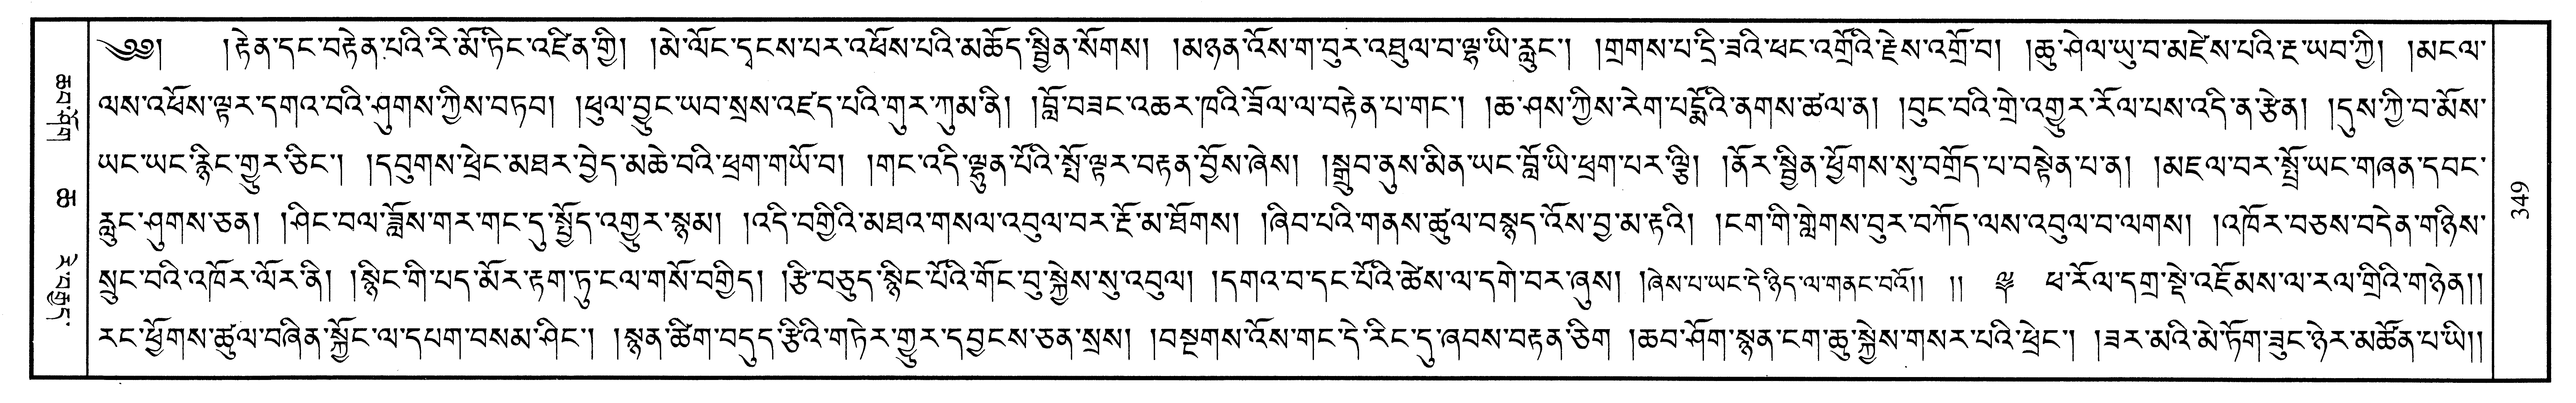༄༅། །རྟེན་དང་བརྟེན་པའི་རི་མོ་ཏིང་འཛིན་གྱི། །མེ་ལོང་དྭངས་པར་འཕོས་པའི་མཆོད་སྦྱིན་སོགས། །མཉན་འོས་ག་བུར་འཐུལ་བ་ལྷ་ཡི་རླུང་། །གྲགས་པ་དྲི་ཟའི་ཕང་འགྲོའི་རྗེས་འགྲོ་བ། །ཆུ་ཤེལ་ཡུ་བ་མཛེས་པའི་རྔ་ཡབ་ཀྱི། །མངལ་
ལས་འཕོས་ལྟར་དགའ་བའི་ཤུགས་ཀྱིས་བཏབ། །ཕུལ་བྱུང་ཡབ་སྲས་འཛད་པའི་གུར་ཀུམ་ནི། །བློ་བཟང་འཆར་ཁའི་ཟོལ་ལ་བརྟེན་པ་གང་། །ཆ་ཤས་ཀྱིས་རེག་པདམོའི་ནགས་ཚལ་ན། །བུང་བའི་གྲེ་འགྱུར་རོལ་པས་འདི་ན་རྩེན། །དུས་ཀྱི་བ་མོས་
ཡང་ཡང་རྙིང་གྱུར་ཅིང་། །དབུགས་ཕྲེང་མཐར་བྱེད་མཆེ་བའི་ཕྲག་གཡོ་བ། །གང་འདི་ལྷུན་པོའི་སྤོ་ལྟར་བརྟན་བྱོས་ཞེས། །སྒྲུབ་ནུས་མིན་ཡང་བློ་ཡི་ཕྲག་པར་ལྕི། །ནོར་སྦྱིན་ཕྱོགས་སུ་བགྲོད་པ་བསྟེན་པ་ན། །མཇལ་བར་སྤྲོ་ཡང་གཞན་དབང་
རླུང་ཤུགས་ཅན། །ཤིང་བལ་ཟློས་གར་གང་དུ་སྤྱོད་འགྱུར་སྙམ། །འདི་བགྱིའི་མཐའ་གསལ་འབུལ་བར་རྔོ་མ་ཐོགས། །ཞིབ་པའི་གནས་ཚུལ་བསྙད་འོས་བྱ་མ་རྟའི། །ངག་གི་གླེགས་བུར་བཀོད་ལས་འབུལ་བ་ལགས། །འཁོར་བཅས་བདེན་གཉིས་
སྲུང་བའི་འཁོར་ལོར་ནི། །སྙིང་གི་པད་མོར་རྟག་ཏུ་ངལ་གསོ་བགྱིད། །རྩི་བཅུད་སྙིང་པོའི་གོང་བུ་སྐྱེས་སུ་འབུལ། །དགའ་བ་དང་པོའི་ཚེས་ལ་དགེ་བར་ཞུས། །ཞེས་པ་ཡང་དེ་ཉིད་ལ་གནང་བའོ།། །། ༈ ཕ་རོལ་དགྲ་སྡེ་འཇོམས་ལ་རལ་གྲིའི་གཉེན།།
རང་ཕྱོགས་ཚུལ་བཞིན་སྐྱོང་ལ་དཔག་བསམ་ཤིང་། །སྙན་ཚིག་བདུད་རྩིའི་གཏེར་གྱུར་དབྱངས་ཅན་སྲས། །བསྔགས་འོས་གང་དེ་རིང་དུ་ཞབས་བརྟན་ཅིག །ཆབ་ཤོག་སྙན་ངག་ཆུ་སྐྱེས་གསར་པའི་ཕྲེང་། །ཟར་མའི་མེ་ཏོག་ཟུང་ཉེར་མཚོན་པ་ཡི།།